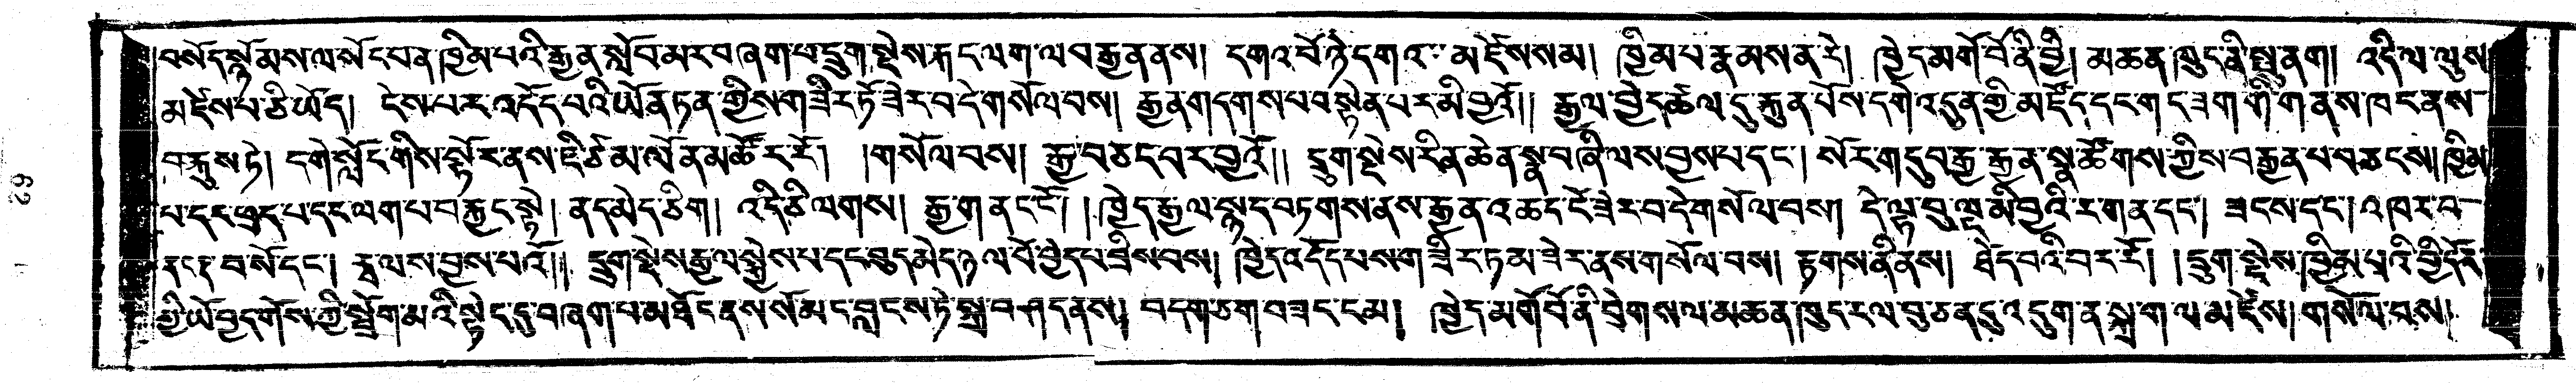བསོད་སྙོམས་ལ་སོང་པ་ན་ཁྱིམ་པའི་རྒྱན་སློབ་མར་བཞག་པ་དྲུག་སྡེས་རྐང་ལག་ལ་བརྒྱན་ནས། དགའ་བོ་ཉེ་དགའ༑ མཛེས་སམ། ཁྱིམ་པ་རྣམས་ན་རེ། ཁྱེད་མགོ་བོ་ནི་བྱི། མཆན་ཁུང་ནི་སྤུ་ནག། འདི་ལ་ལུས་
མཛེས་པ་ཅི་ཡོད། ངེས་པར་འདོད་པའི་ཡོན་ཏན་གྱིས་གཟིར་ཏོ་ཟེར་བ་དེ་གསོལ་བས། རྒྱན་གདགས་པ་བསྟེན་པར་མི་བྱའོ། །རྒྱལ་བྱེད་ཚལ་དུ་རྐུན་པོས་དགེ་འདུན་གྱི་མཛོད་དང་གང་ཟག་གི་གནས་ཁང་ནས་
བརྐུས་ཏེ། དགེ་སློང་གིས་སྟོར་ནས་ཇི་ཙམ་ལོན་མཚོར་རོ། །གསོལ་བས། རྒྱ་བཅང་བར་བྱའོ། །དྲུག་སྡེས་རིན་ཆེན་སྣ་བཞི་ལས་བྱས་པ་དང་། སོར་གདུབ་རྒྱ་རྒྱན་སྣ་ཚོགས་ཀྱིས་བརྒྱན་པ་བཅངས། ཁྱིམ་
པ་དང་ཕྲད་པ་དང་ལག་པ་བརྐྱང་སྟེ། ནད་མེད་ཅིག། འདི་ཅི་ལགས། རྒྱ་གནང་ངོ། །ཁྱེད་རྒྱ་ལ་སྙད་བཏགས་ནས་རྒྱན་འཆང་ངོ་ཟེར་བ་དེ་གསོལ་བས། དེ་ལྟ་བུ་ལྔ་མི་བྱའི་ར་གན་དང་། ཟངས་དང་། འཁར་བ་
རང༑ བ་སོ་དང་། རྭ་ལས་བྱས་པའོ། །དྲུག་སྡེས་རྒྱ་ལ་སྐྱེས་པ་དང་བུད་མེད་ཉལ་པོ་བྱེད་པ་བྲིས་བས། ཁྱེད་འདོད་པས་གཟིར་ཏམ་ཟེར་ནས་གསོལ་བས། རྟགས་ནི་ནས། ཐོད་པའི་བར་རོ། །དྲུག་སྡེས་ཁྱིམ་པའི་བྱི་དོར་
གྱི་ཡོ་བྱད་གོས་ཀྱི་སྦྲོག་མའི་སྟེང་དུ་བཞག་པ་མཐོང་ནས་སོ་མ་བླངས་ཏེ་སྐྲ་བཤད་ནས། བདག་ཅག་བཟང་ངམ། ཁྱེད་མགོ་བོ་ནི་བྲེགས་ལ་མཆན་ཁུར་རལ་བུ་ཅན་དུ་འདུག་ན་སྐྲ་ག་ལ་མཛེས། གསོལ་བས།